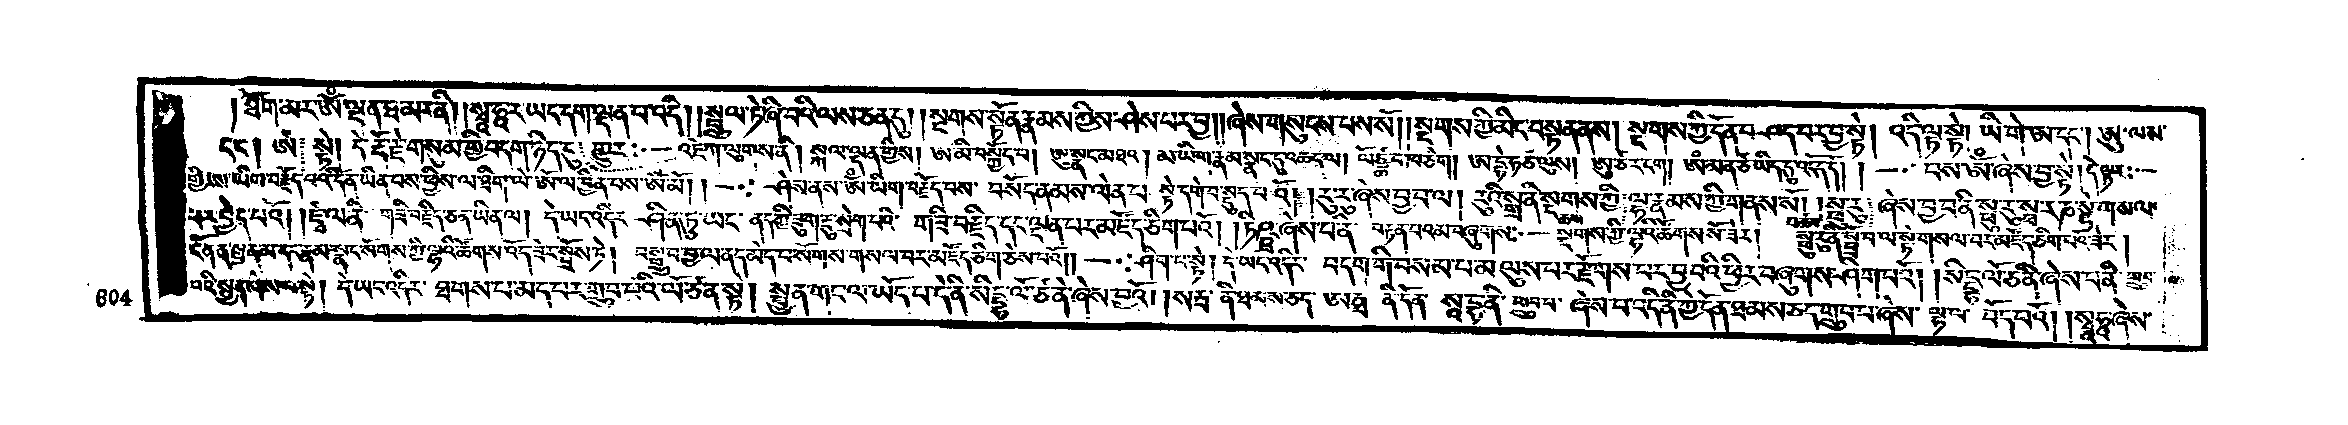ལས། ཐོག་མར་ཨོཾ་ལྡན་ཐ་མར་ནི། །སྭཱ་ཧཱ་ར་ཡང་དག་ལྡན་པ་འདི། །སྤྲུལ་ཏེ་ཞི་བའི་ལས་ཅན་དུ། །སྔགས་ཏོན་རྣམས་ཀྱིས་ཤེས་པར་བྱ། །ཞེས་གསུངས་པས་སོ། །སྔགས་ཀྱི་མིང་བསྟན་ནས། སྔགས་ཀྱི་དོན་བཤད་པར་བྱ་སྟེ། འདི་ལྟ་སྟེ། ཡི་གེ་ཨ་དང་། ཨུ་ལས་
ཨོ་དང་། ཨཾ་སྟེ། དེ་རྡོ་རྗེ་གསུམ་གྱི་བདག་ཉིད་དུ་གྱུར་འཇོག་ལུགས་ནི། སྐལ་ལྡན་གྱིས། ཨ་མི་བསྐྱོད་པ། ཨུ་སྣང་མཐའ། མ་ཡིག་རྣམ་སྣང་དུ་འཆད་ལ། ལོ་ཙྪ་བ་ཁ་ཅིག །ཨ་དྷེ་ཧ་ཙ་ལུས། ཨུ་ཙ་ར་ངག །ཨཾ་མ་ན་ཙ་ཡིད་དུ་འདོད་དོ། །  པས་ཨོཾ་ཞེས་བྱ་སྟེ། དེ་ལྟར་
གྱི་ཨ་ཡིག་བརྗོད་པའི་དོན་ཡིན་པས་ཕྱིས་ལ་ཐིག་ལེ་ཨོ་ལ་བྱིན་པས་ཨོཾ་མོ། །ཤེས་ནས་ཨོཾ་ཡིག་བརྗོད་པས་བསོད་ནམས་ལེན་པ་སྟེ་དགེ་བ་སྡུད་པའོ། །རུ་རུ་ཞེས་བྱ་བ་ལ། རུའི་སྒྲ་ནི་སྔགས་ཀྱི་ལྷ་རྣམས་ཀྱི་གནས་སོ། །སྥུ་རུ་ཞེས་བྱ་བ་ནི་སྥུ་རུ་སྥ་ར་ཎ་སྟེ་གསལ་
བར་བྱེད་པའོ། །ཛྭ་ལ་ནི་གཟི་བརྗིད་ཅན་ཡིན་ལ། དེ་ཡང་འདིར་ཤིན་ཏུ་ཡང་ནད་ཀྱི་ཟུག་རྔུ་སྲེག་པའི་གཟི་བརྗིད་དང་ལྡན་པར་མཛོད་ཅིག་པའོ། །ཏིཥཊཿཨ་ཞེས་པ་ནི་བརྟན་པའམ་བཞུགས་ཆག་སྔགས་ཀྱི་ལྷའི་ཚོགས་སོ་ཟེར། པ་ཚབ་སྥུ་རུ་ནི་སྤྲོ་བ་ལ་སྟེ་གསལ་བར་མཛོད་ཅིག་པའོ་ཟེར།
དོན་ནི་སྤྱན་མ་དང་རྣམ་སྣང་སོགས་ཀྱི་ལྷའི་ཚོགས་འོད་ཟེར་སྤྲོས་ཏེ། བསྒྲུབ་བྱ་ལ་ནད་མེད་པ་སོགས་གསལ་བར་མཛོད་ཅིག་ཅེས་པའོ།། ཤིག་པ་སྟེ། དེ་ཡང་འདིར་བདག་གི་བསམ་པ་མ་ལུས་པར་རྫོགས་པར་བྱ་བའི་ཕྱིར་བཞུགས་ཤིག་པའོ། །སིདྡྷ་ལོ་ཙ་ནི་ཞེས་པ་ནི་གྲུབ་
པའི་སྤྱན་ཞེས་པ་སྟེ། དེ་ཡང་འདིར་ཐགས་པ་མེད་པར་གྲུབ་པའི་ལོ་ཙ་ན་སྟེ། སྤྱན་གང་ལ་ཡོད་པ་དེ་ནི་སིདྡྷ་ལོ་ཙ་ནི་ཞེས་བྱའོ། །སརྦ་ནི་ཐམས་ཅད་ཨརྠ་ནི་དོན་སཱ་དྷ་ནི་གྲུབ་པ་ཞེས་པ་འདི་ནི་ཀྱེ་དོན་ཐམས་ཅད་གྲུབ་པ་ཞེས་ལྷ་ལ་བོད་པའོ། །སྭཱ་ཧཱ་ཞེས་